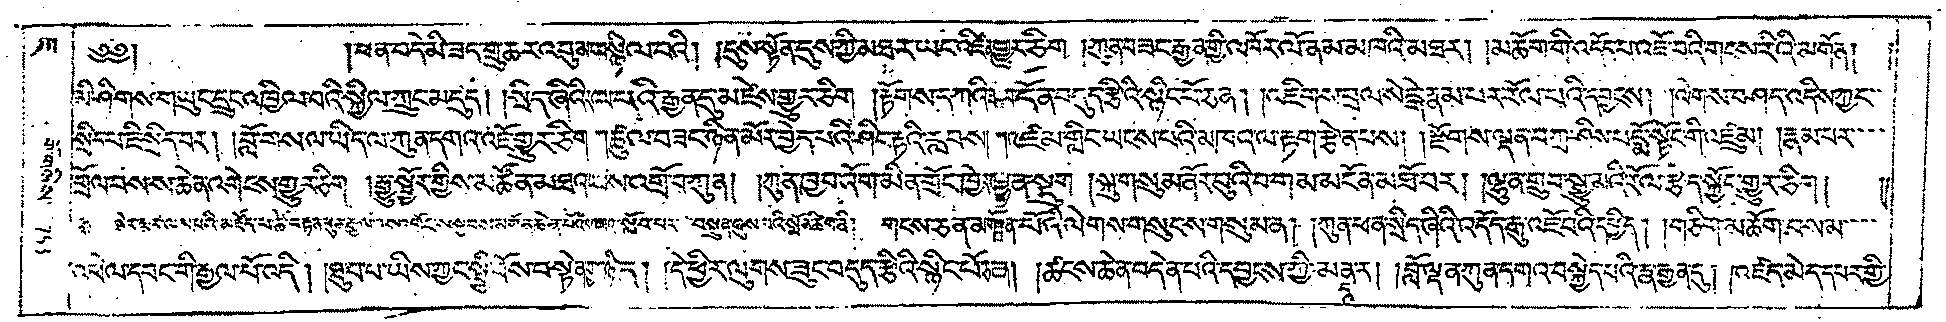༄༅། །ཕན་བདེ་མི་ཟད་གྲུ་ཆར་འབུམ་བསྙིལ་བའི། །དུས་སྟོན་དུས་ཀྱི་མཐར་ཡང་འཛིན་གྱུར་ཅིག །ཀུན་བཟང་རྒྱན་གྱི་འཁོར་ལོ་ནམ་མཁའི་མཐར། །མཆོག་གི་འདོད་པ་འཇོ་བའི་གངས་རིའི་མགོན། །
མི་ཤིགས་གཡུང་དྲུང་འཁྱིལ་བའི་སྐྱིལ་ཀྲུང་མདུད། །སྲིད་ཞིའི་རལ་པའི་རྒྱན་དུ་མཛེས་གྱུར་ཅིག །རྟོགས་དཀའི་ཟབ་དོན་བདུད་རྩིའི་སྙིང་པོ་ཅན། །འཇིགས་བྲལ་སེངྒེ་རྣམ་པར་རོལ་པའི་དབྱངས། །ལེགས་བཤད་འདིས་ཀྱང་
སྲིད་པ་ཇི་སྲིད་པར། །བློ་གསལ་ཡིད་ལ་ཀུན་དགའ་འཇོ་གྱུར་ཅིག །ཚུལ་བཟང་ཉིན་མོར་བྱེད་པའི་ཤིང་རྟའི་རླབས། །འཛམ་གླིང་ཡངས་པའི་མཁའ་ལ་རྟག་རྩེན་པས། །རྫོགས་ལྡན་བཀྲ་ཤིས་པདམོ་སྟོང་གི་འཛུམ། །རྣམ་པར་
གྲོལ་བས་ས་ཆེན་འགེངས་གྱུར་ཅིག །རྒྱུ་སྦྱོར་གྱིས་མཚོན་མཐའ་ཡས་འགྲོ་བ་ཀུན། །ཀུན་ཁྱབ་འོག་མིན་གྲོང་ཁྱེར་ལྟ་ན་སྡུག །སྐུ་གསུམ་ནོར་བུའི་བ་གམ་མངོན་མཐོ་བར། །ལྷུན་གྲུབ་སྒྱུ་མའི་རོལ་རྩེད་སྐྱོང་གྱུར་ཅིག ། །།
༈ སྒེར་རྨར་ལམ་པའི་མཛོད་པ་ཚེ་བརྟན་ཕུན་རྒྱལ་ནས་༧གོང་ས་སྐྱབས་མགོན་ཆེན་པོའི་བཀའ་སློབ་པར་བསྐྲུན་ཞུས་པའི་སྨོན་ཚིག་ནི།  གངས་ཅན་མགོན་པོའི་ལེགས་གསུང་ས་གསུམ་ན། །ཀུན་ཕན་སྲིད་ཞིའི་འདོད་རྒུ་འཇོ་བའི་དཔྱིད། །གཅིག་མཆོག་བསམ་
འཕེལ་དབང་གི་རྒྱལ་པོ་འདི། །ཐུབ་པ་ཡིས་ཀྱང་སྤྱི་བོས་བསྟེན་བྱ་ཉིད། །དེ་ཕྱིར་ལུགས་ཟུང་བདུད་རྩིའི་སྙིང་པོ་ཅན། །ཚབས་ཆེན་བདེན་པའི་དབྱངས་ཀྱི་མནྡཱ་ར། །བློ་ལྡན་ཀུན་དགའ་བསྐྱེད་པའི་རྣ་རྒྱན་དུ། །འཛད་མེད་དཔར་གྱི་